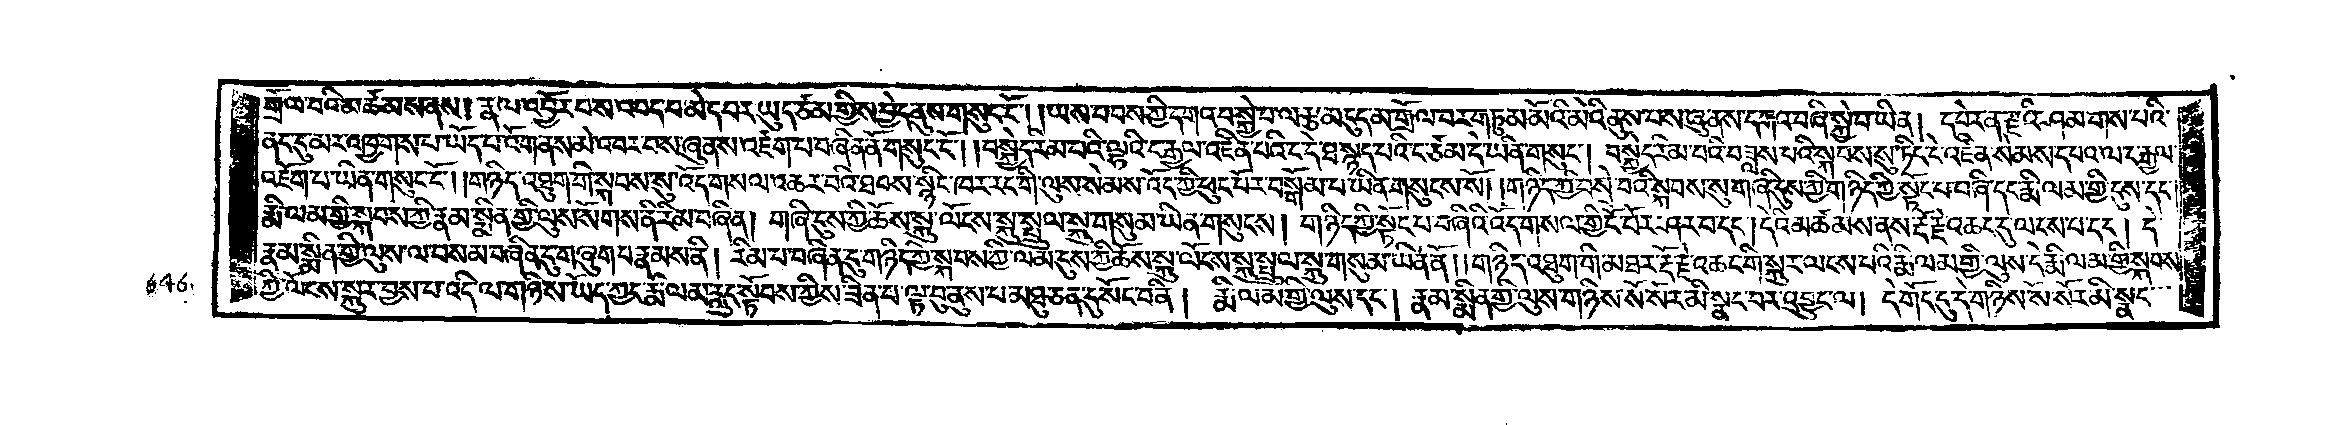གྲོལ་བའི་མཚམས་ནས། རྣལ་འབྱོར་པས་འབད་པ་མེད་པར་ཡུད་ཙམ་གྱིས་བྱེད་ནུས་གསུང་ངོ། །ཡས་བབས་ཀྱི་དགའ་བ་སྐྱེ་བ་ལ་རྩ་མདུད་མ་གྲོལ་བར་གཏུམ་མོའི་མེའི་ནུས་པས་ཞུ་ནས་དགའ་བཞི་སྐྱེ་བ་ཡིན། དཔེར་ན་རྫའི་ཤམ་གས་པའི་
ནང་དུ་མར་འཁྱགས་པ་ཡོད་པ་འོག་ནས་མེ་འབར་བས་ཞུ་ནས་འཛག་པ་བཞིན་ནོ་གསུང་ངོ། །བསྐྱེད་རིམ་པའི་ལྷའི་ང་རྒྱལ་འཛིན་པའི་ང་དེ་ཐ་སྙད་པའི་ང་ཙམ་དེ་ཡིན་གསུང་། བསྐྱེད་རིམ་པའི་བཟླས་པའི་སྐབས་སུ་ཏིང་ངེ་འཛིན་སེམས་དཔའ་ལ་ང་རྒྱལ་
འཇོག་པ་ཡིན་གསུང་ངོ། །གཉིད་འཐུག་གི་སྐབས་སུ་འོད་གསལ་འཆར་བའི་ཐབས་སྙིང་ཁར་རང་གི་ལུས་སེམས་འོད་ཀྱི་ཕུང་པོར་བསྒོམ་པ་ཡིན་གསུངས་སོ། །གཉིད་ཀྱི་བསྲེ་བའི་སྐབས་སུ་གཞི་དུས་ཀྱི་གཉིད་ཀྱི་སྟོང་པ་བཞི་དང་རྨི་ལམ་གྱི་དུས་དང་།
རྨི་ལམ་གྱི་སྐབས་ཀྱི་རྣམ་སྨིན་གྱི་ལུས་སོགས་ནི་རིམ་བཞིན། གཞི་དུས་ཀྱི་ཆོས་སྐུ་ལོངས་སྐུ་སྤྲུལ་སྐུ་གསུམ་ཡིན་གསུངས། གཉིད་ཀྱི་སྟོང་པ་བཞིའི་འོད་གསལ་གྱི་ངོ་བོར་ཤར་བ་དང་། དེའི་མཚམས་ནས་རྡོ་རྗེ་འཆང་དུ་ལངས་པ་དང་། དེ་
རྣམ་སྨིན་གྱི་ལུས་ལ་བསམ་བཞིན་དུ་གཞུག་པ་རྣམས་ནི། རིམ་པ་བཞིན་དུ་གཉིད་ཀྱི་སྐབས་ཀྱི་ལམ་དུས་ཀྱི་ཆོས་སྐུ་ལོངས་སྐུ་སྤྲུལ་སྐུ་གསུམ་ཡིན་ནོ། །གཉིད་འཐུག་གི་མཐར་རྡོ་རྗེ་འཆང་གི་སྐུར་ལངས་པའི་རྨི་ལམ་གྱི་ལུས་དེ་རྨི་ལམ་གྱི་སྐབས་
ཀྱི་ལོངས་སྐུར་བྱས་པ་འདི་ལ་གཉིས་ཡོད་ཀྱང་རྨི་ལམ་རླུང་སྟོབས་ཀྱིས་ཟིན་པ་ལྟ་བུ་ནུས་པ་མཐུ་ཅན་དུ་སོང་བ་ནི། རྨི་ལམ་གྱི་ལུས་དང་། རྣམ་སྨིན་གྱི་ལུས་གཉིས་སོ་སོར་མི་སྣང་བར་འབྱུང་ལ། དེ་གོང་དུ་དེ་གཉིས་སོ་སོར་མི་སྣང་
[